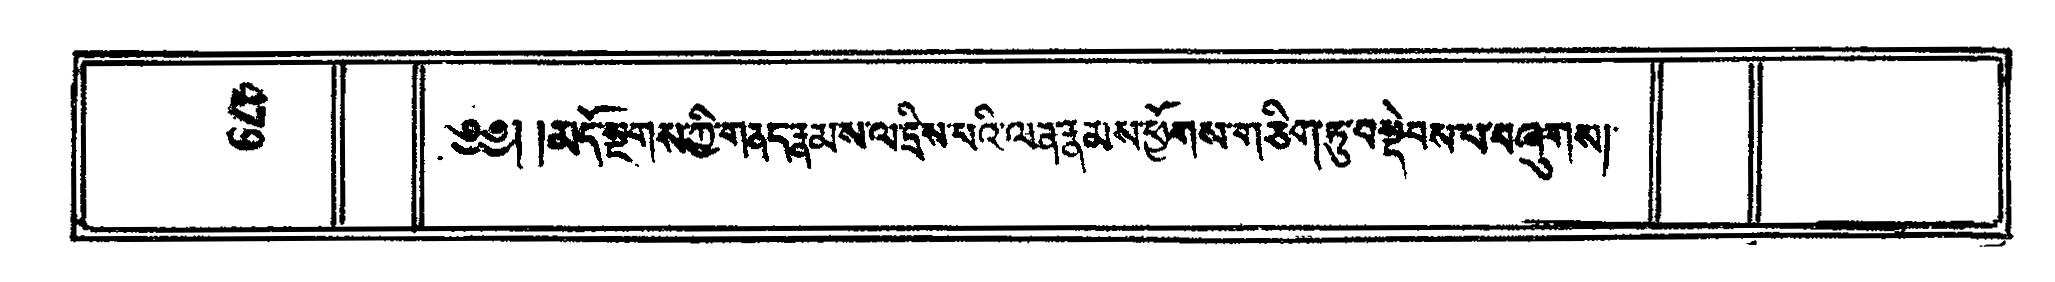༄༅། །མདོ་སྔགས་ཀྱི་གནད་རྣམས་ལ་དྲིས་པའི་ལན་རྣམས་ཕྱོགས་གཅིག་ཏུ་བསྡེབས་པ་བཞུགས།